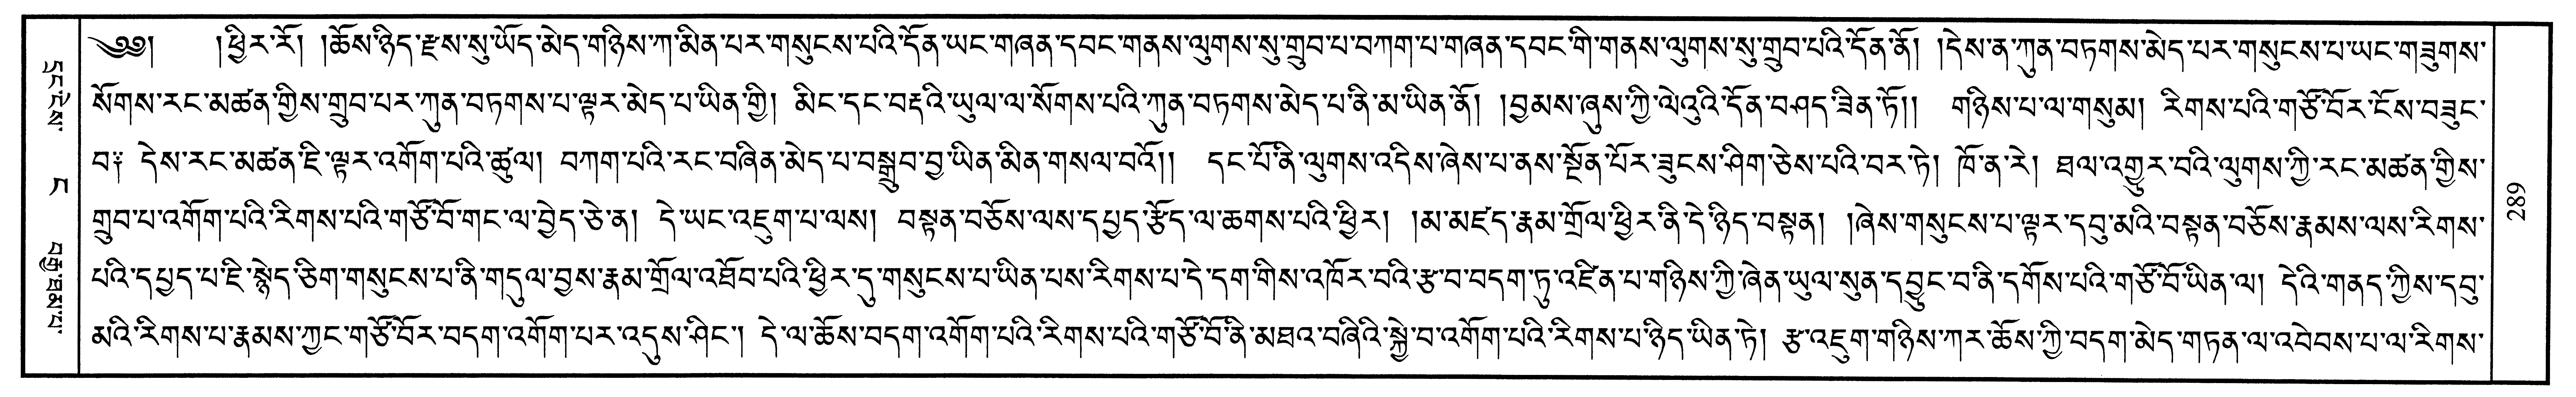༄༅། །ཕྱིར་རོ། །ཆོས་ཉིད་རྫས་སུ་ཡོད་མེད་གཉིས་ཀ་མིན་པར་གསུངས་པའི་དོན་ཡང་གཞན་དབང་གནས་ལུགས་སུ་གྲུབ་པ་བཀག་པ་གཞན་དབང་གི་གནས་ལུགས་སུ་གྲུབ་པའི་དོན་ནོ། །དེས་ན་ཀུན་བཏགས་མེད་པར་གསུངས་པ་ཡང་གཟུགས་
སོགས་རང་མཚན་གྱིས་གྲུབ་པར་ཀུན་བཏགས་པ་ལྟར་མེད་པ་ཡིན་གྱི། མིང་དང་བརྡའི་ཡུལ་ལ་སོགས་པའི་ཀུན་བཏགས་མེད་པ་ནི་མ་ཡིན་ནོ། །བྱམས་ཞུས་ཀྱི་ལེའུའི་དོན་བཤད་ཟིན་ཏོ།། གཉིས་པ་ལ་གསུམ། རིགས་པའི་གཙོ་བོར་ངོས་བཟུང་
བ༑ དེས་རང་མཚན་ཇི་ལྟར་འགོག་པའི་ཚུལ། བཀག་པའི་རང་བཞིན་མེད་པ་བསྒྲུབ་བྱ་ཡིན་མིན་གསལ་བའོ།། དང་པོ་ནི་ལུགས་འདིས་ཞེས་པ་ནས་སྔོན་པོར་ཟུངས་ཤིག་ཅེས་པའི་བར་ཏེ། ཁོ་ན་རེ། ཐལ་འགྱུར་བའི་ལུགས་ཀྱི་རང་མཚན་གྱིས་
གྲུབ་པ་འགོག་པའི་རིགས་པའི་གཙོ་བོ་གང་ལ་བྱེད་ཅེ་ན། དེ་ཡང་འཇུག་པ་ལས། བསྟན་བཅོས་ལས་དཔྱད་རྩོད་ལ་ཆགས་པའི་ཕྱིར། །མ་མཛད་རྣམ་གྲོལ་ཕྱིར་ནི་དེ་ཉིད་བསྟན། །ཞེས་གསུངས་པ་ལྟར་དབུ་མའི་བསྟན་བཅོས་རྣམས་ལས་རིགས་
པའི་དཔྱད་པ་ཇི་སྙེད་ཅིག་གསུངས་པ་ནི་གདུལ་བྱས་རྣམ་གྲོལ་འཐོབ་པའི་ཕྱིར་དུ་གསུངས་པ་ཡིན་པས་རིགས་པ་དེ་དག་གིས་འཁོར་བའི་རྩ་བ་བདག་ཏུ་འཛིན་པ་གཉིས་ཀྱི་ཞེན་ཡུལ་སུན་དབྱུང་བ་ནི་དགོས་པའི་གཙོ་བོ་ཡིན་ལ། དེའི་གནད་ཀྱིས་དབུ་
མའི་རིགས་པ་རྣམས་ཀྱང་གཙོ་བོར་བདག་འགོག་པར་འདུས་ཤིང་། དེ་ལ་ཆོས་བདག་འགོག་པའི་རིགས་པའི་གཙོ་བོ་ནི་མཐའ་བཞིའི་སྐྱེ་བ་འགོག་པའི་རིགས་པ་ཉིད་ཡིན་ཏེ། རྩ་འཇུག་གཉིས་ཀར་ཆོས་ཀྱི་བདག་མེད་གཏན་ལ་འབེབས་པ་ལ་རིགས་